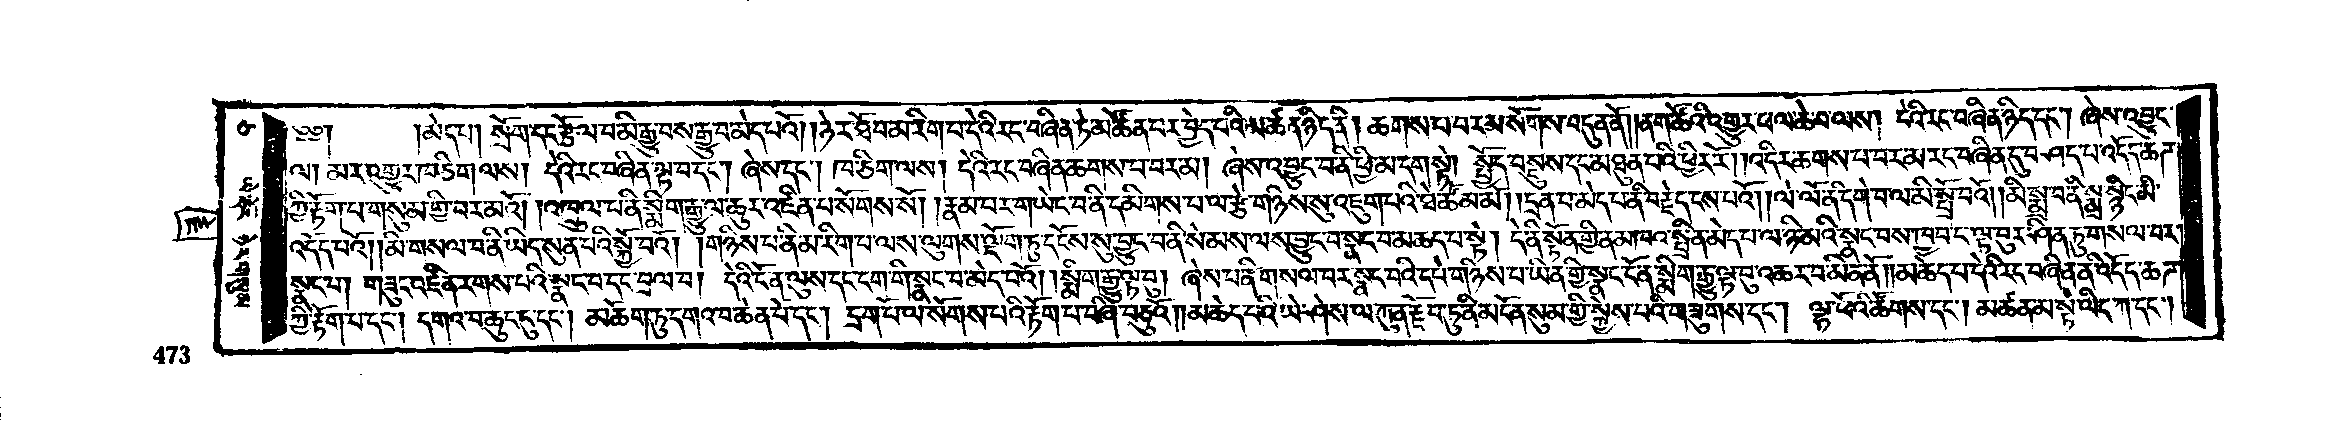༄༅། །མེད་པ། སྲོག་དང་རྩོལ་བ་མི་རྒྱུ་བས་རྒྱུ་བ་མེད་པའོ། །ཉེར་ཐོབ་མ་རིག་པ་དེའི་རང་བཞིན་ཏེ་མཚོན་པར་བྱེད་པའི་མཚན་ཉིད་ནི། ཆགས་པ་བར་མ་སོགས་བདུན་ནོ། །ནག་ཚོའི་འགྱུར་ཕལ་ཆེ་བ་ལས། དེའི་རང་བཞིན་ཉིད་དང་། ཞེས་འབྱུང་
ལ། མར་འགྱུར་ཁ་ཅིག་ལས། དེའི་རང་བཞིན་ལྟ་བ་དང་། ཞེས་དང་། ཁ་ཅིག་ལས། དེའི་རང་བཞིན་ཆགས་པ་བར་མ། ཞེས་འབྱུང་བ་ནི་ཕྱི་མ་དག་སྟེ། སྤྱོད་བསྡུས་དང་མཐུན་པའི་ཕྱིར་རོ། །འདིར་ཆགས་པ་བར་མ་རང་བཞིན་དུ་བཤད་པ་འདོད་ཆགས་
ཀྱི་རྟོག་པ་གསུམ་གྱི་བར་མའོ། །འཁྲུལ་པ་ནི་སྨིག་རྒྱུ་ལ་ཆུར་འཛིན་པ་སོགས་སོ། །རྣམ་པར་གཡེང་བ་ནི་དམིགས་པ་ལ་རྩེ་གཉིས་སུ་འཇུག་པའི་ཐེ་ཚོམ་མོ། །དྲན་པ་མེད་པ་ནི་བརྗེད་ངས་པའོ། །ལེ་ལོ་ནི་དགེ་བ་ལ་མི་སྤྲོ་བའོ། །མི་སྨྲ་བ་ནི་སྨྲ་སྙིང་མི་
འདོད་པའོ། །མི་གསལ་བ་ནི་ཡིད་སུན་པའི་སྐྱོ་བའོ། །གཉིས་པ་ནི་མ་རིག་པ་ལས་ལུགས་ལྡོག་ཏུ་དངོས་སུ་བྱུང་བ་ནི་སེམས་ལས་བྱུང་བ་སྣང་བ་མཆེད་པ་སྟེ། དེ་ནི་སྟོན་གྱི་ནམ་མཁའ་སྤྲིན་མེད་པ་ལ་ཉི་མའི་སྣང་བས་ཁྱབ་པ་ལྟ་བུར་ཤིན་ཏུ་གསལ་བར་
སྣང་བ། གཟུང་འཛིན་རགས་པའི་སྣང་བ་དང་བྲལ་བ། དེའི་ངོ་ན་ལུས་དང་ངག་གི་སྣང་བ་མེད་པའོ། །སྨིག་རྒྱུ་ལྟ་བུ། ཞེས་པ་ནི་གསལ་བར་སྣང་བའི་དཔེ་གཉིས་པ་ཡིན་གྱི་སྣང་ངོ་ནི་?་སྨིག་རྒྱུ་ལྟ་བུ་འཆར་བ་མིན་ནོ། །མཆེད་པ་དེའི་རང་བཞིན་ནི་འདོད་ཆགས་
ཀྱི་རྟོག་པ་དང་། དགའ་བ་ཆུང་ངུ་དང་། མཆོག་ཏུ་དགའ་བ་ཆེན་པོ་དང་། དྲག་པོ་ལ་སོགས་པའི་རྟོག་པ་བཞི་བཅུའོ། །མཆེད་པའི་ཡེ་ཤེས་ལ་ཀུན་རྫོབ་ཏུ་ནི་མངོན་སུམ་གྱི་སྐྱེས་པའི་གཟུགས་དང་། ལྷ་ཕོའི་ཚོགས་དང་། མཚན་མ་སྟེ་ལིང་ཀ་དང་།